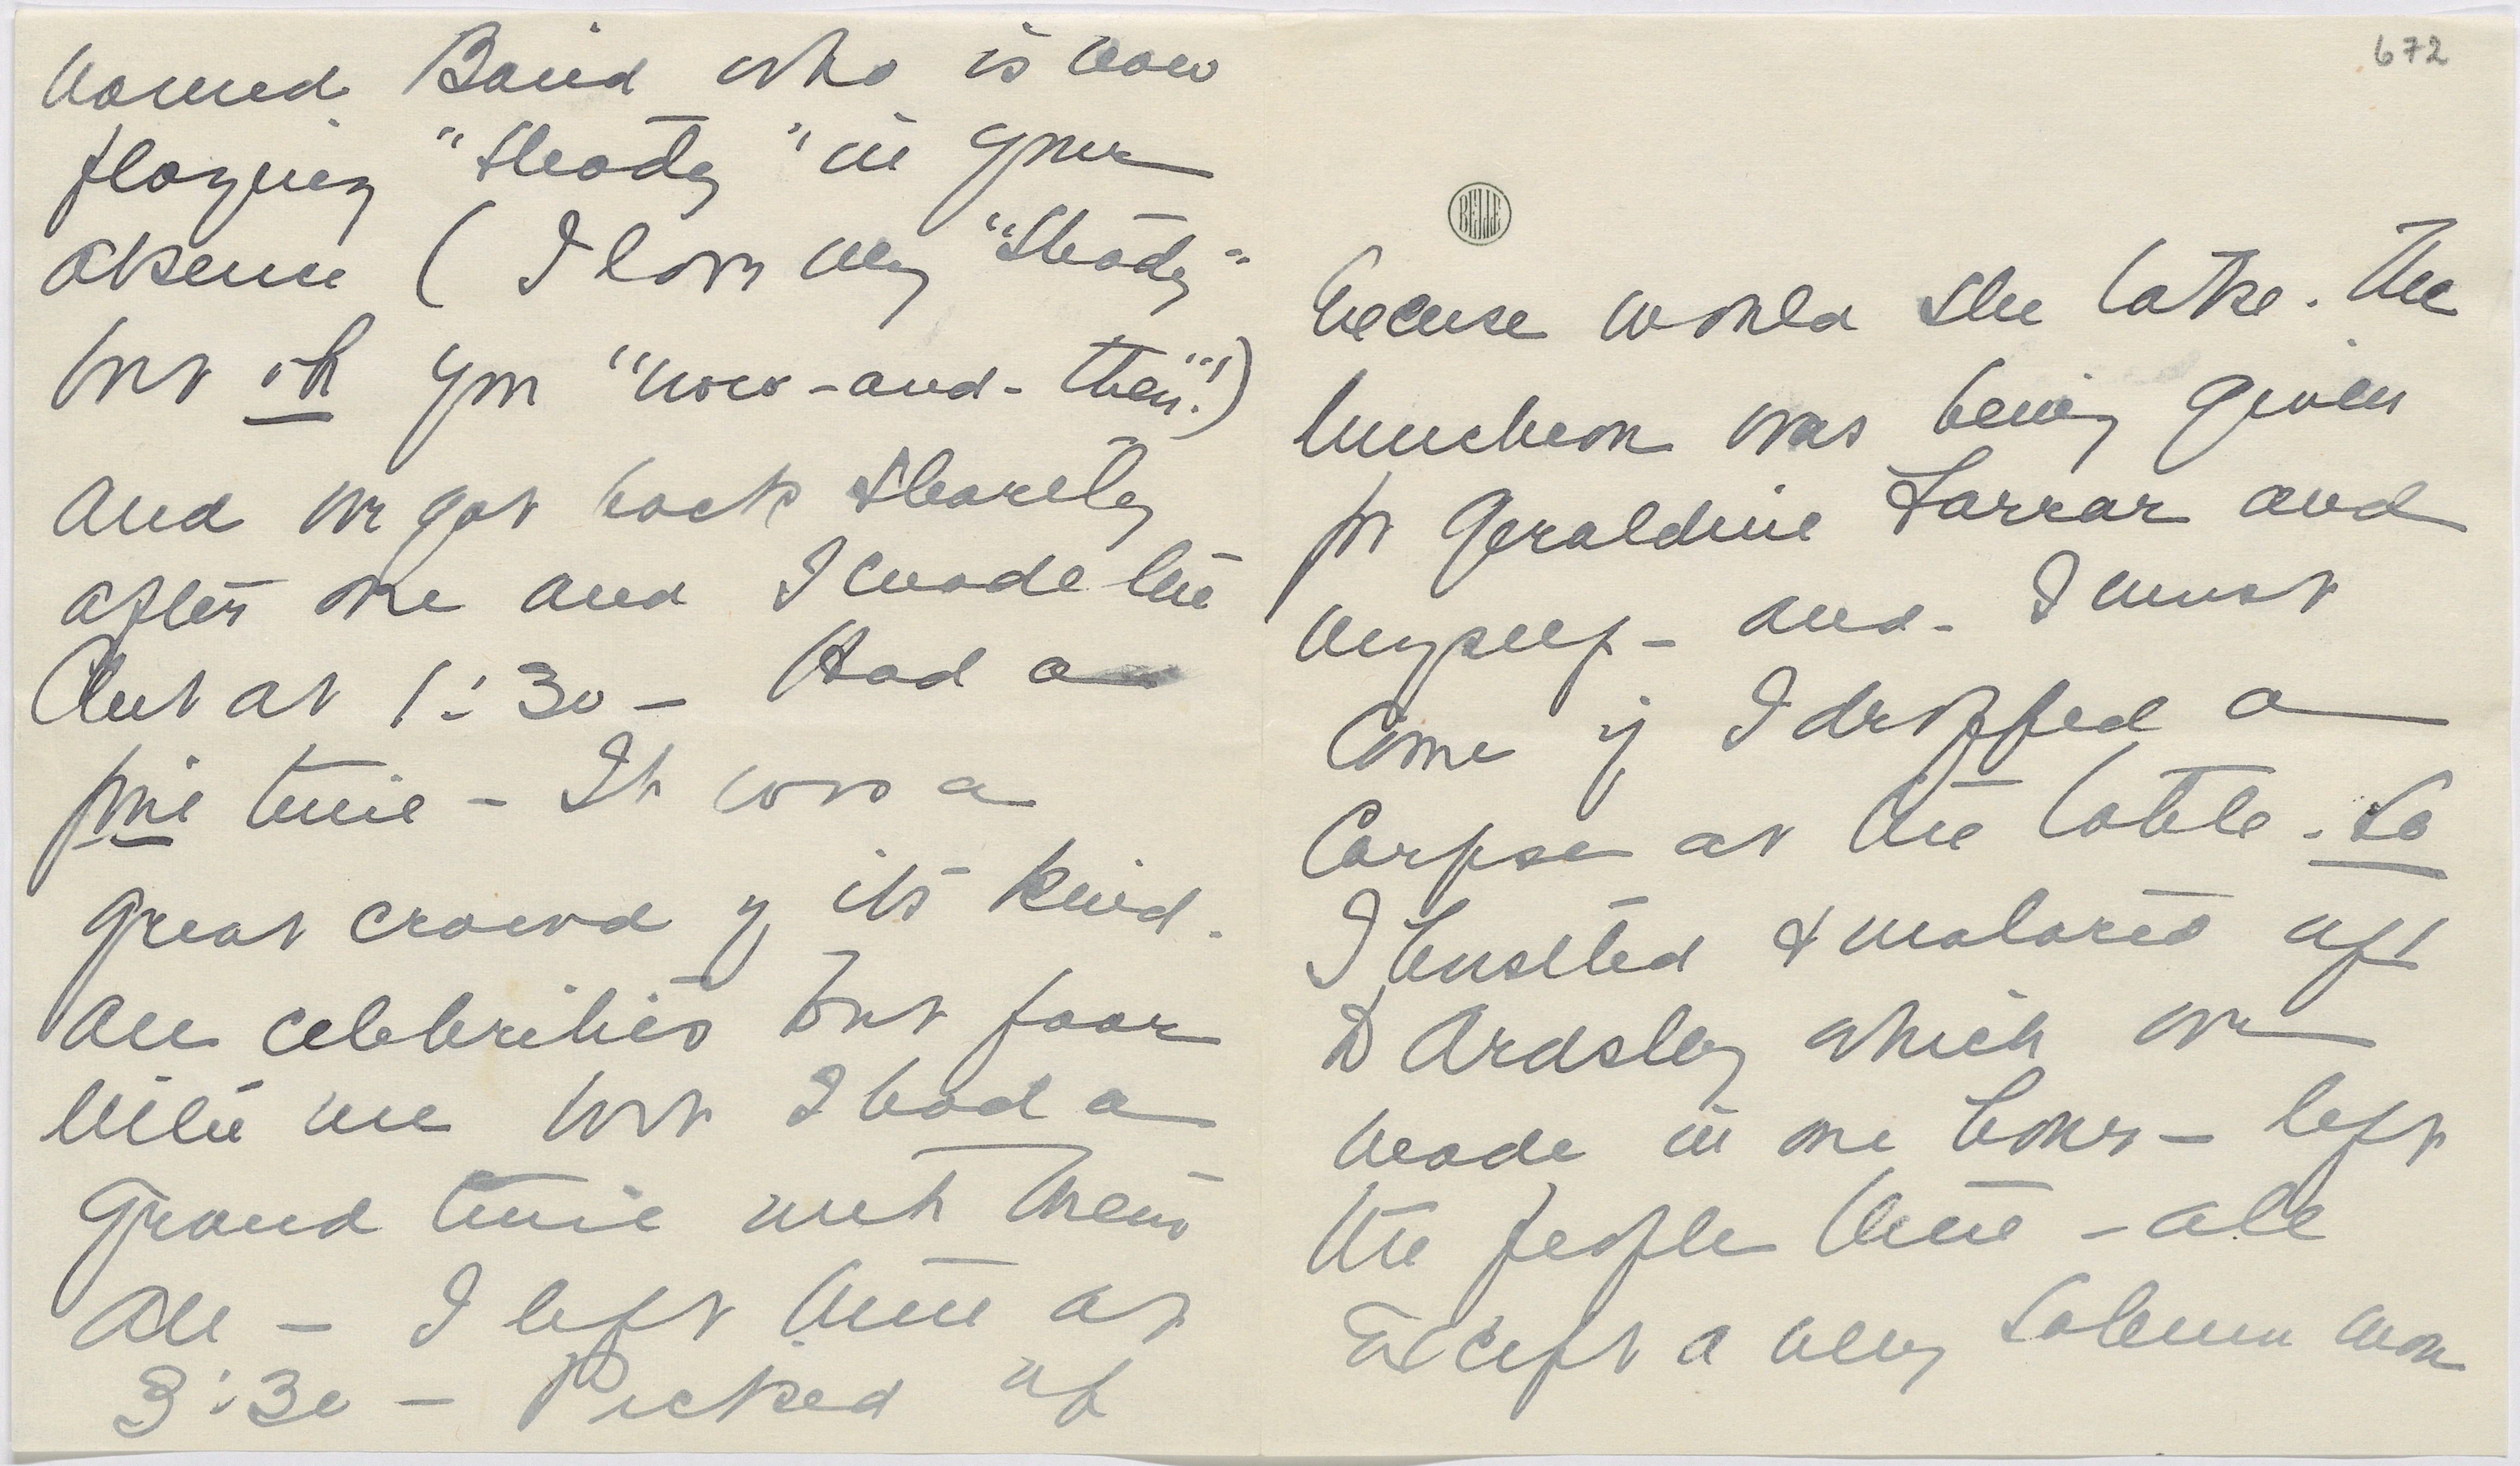excuse would she take. The luncheon was being given for Geraldine Farrar and myself – and – I must come if I dropped a corpse at the table – so I hustled & motored up to Ardsley which we made in one hour – left the people there – all except a very solemn man
named Baird who is now playing “steady” in your absence (I love my “steady” but oh you “now-and-then”!) and we got back shortly after one and I made the Club at 1:30 – Had a fine time – It was a great crowd of its kind – all celebrities but poor little me but I had a grand time with them all – I left them at 3:30 – Picked up